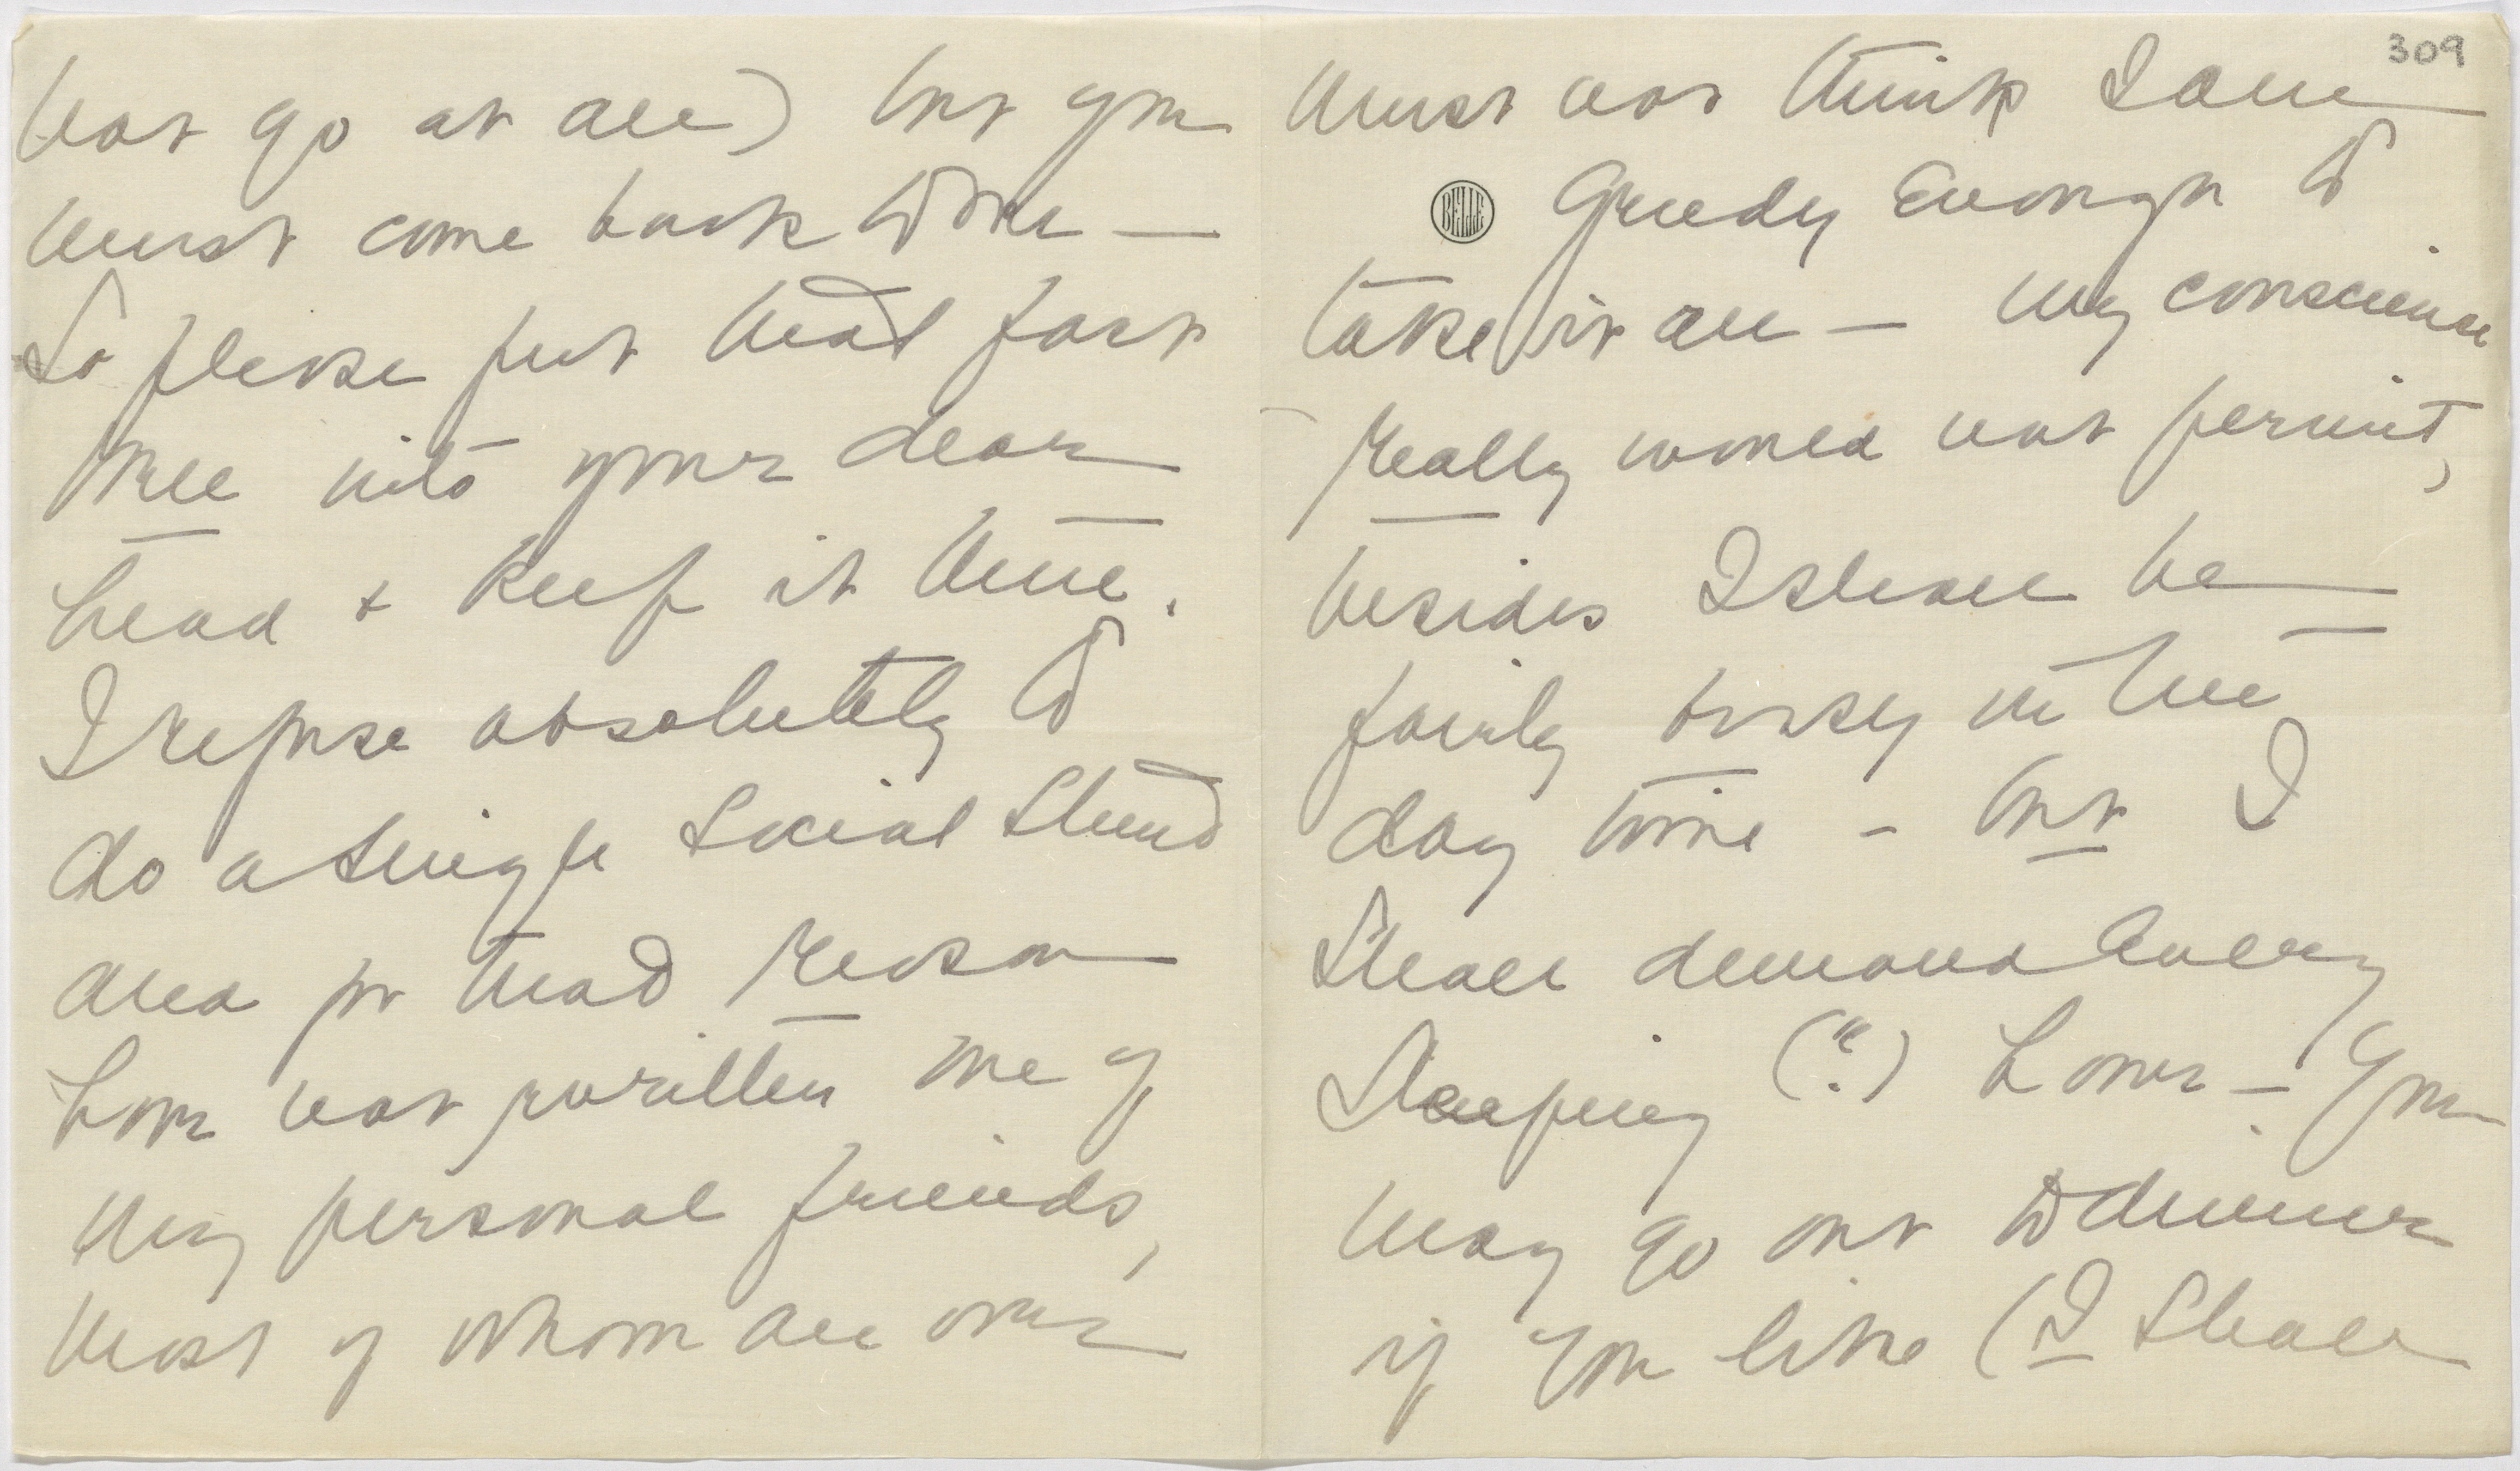must not think I am greedy enough to take it all – my conscience really would not permit, besides I shall be fairly busy in the day time – but I shall demand every sleeping (?) hour – You may go out to dinner if you like (I shall
not go at all) but you must come back to me – So please put that fact well into your dear head & keep it there. I refuse absolutely to do a single social stunt and for that reason have not written one of my personal friends, most of whom are over